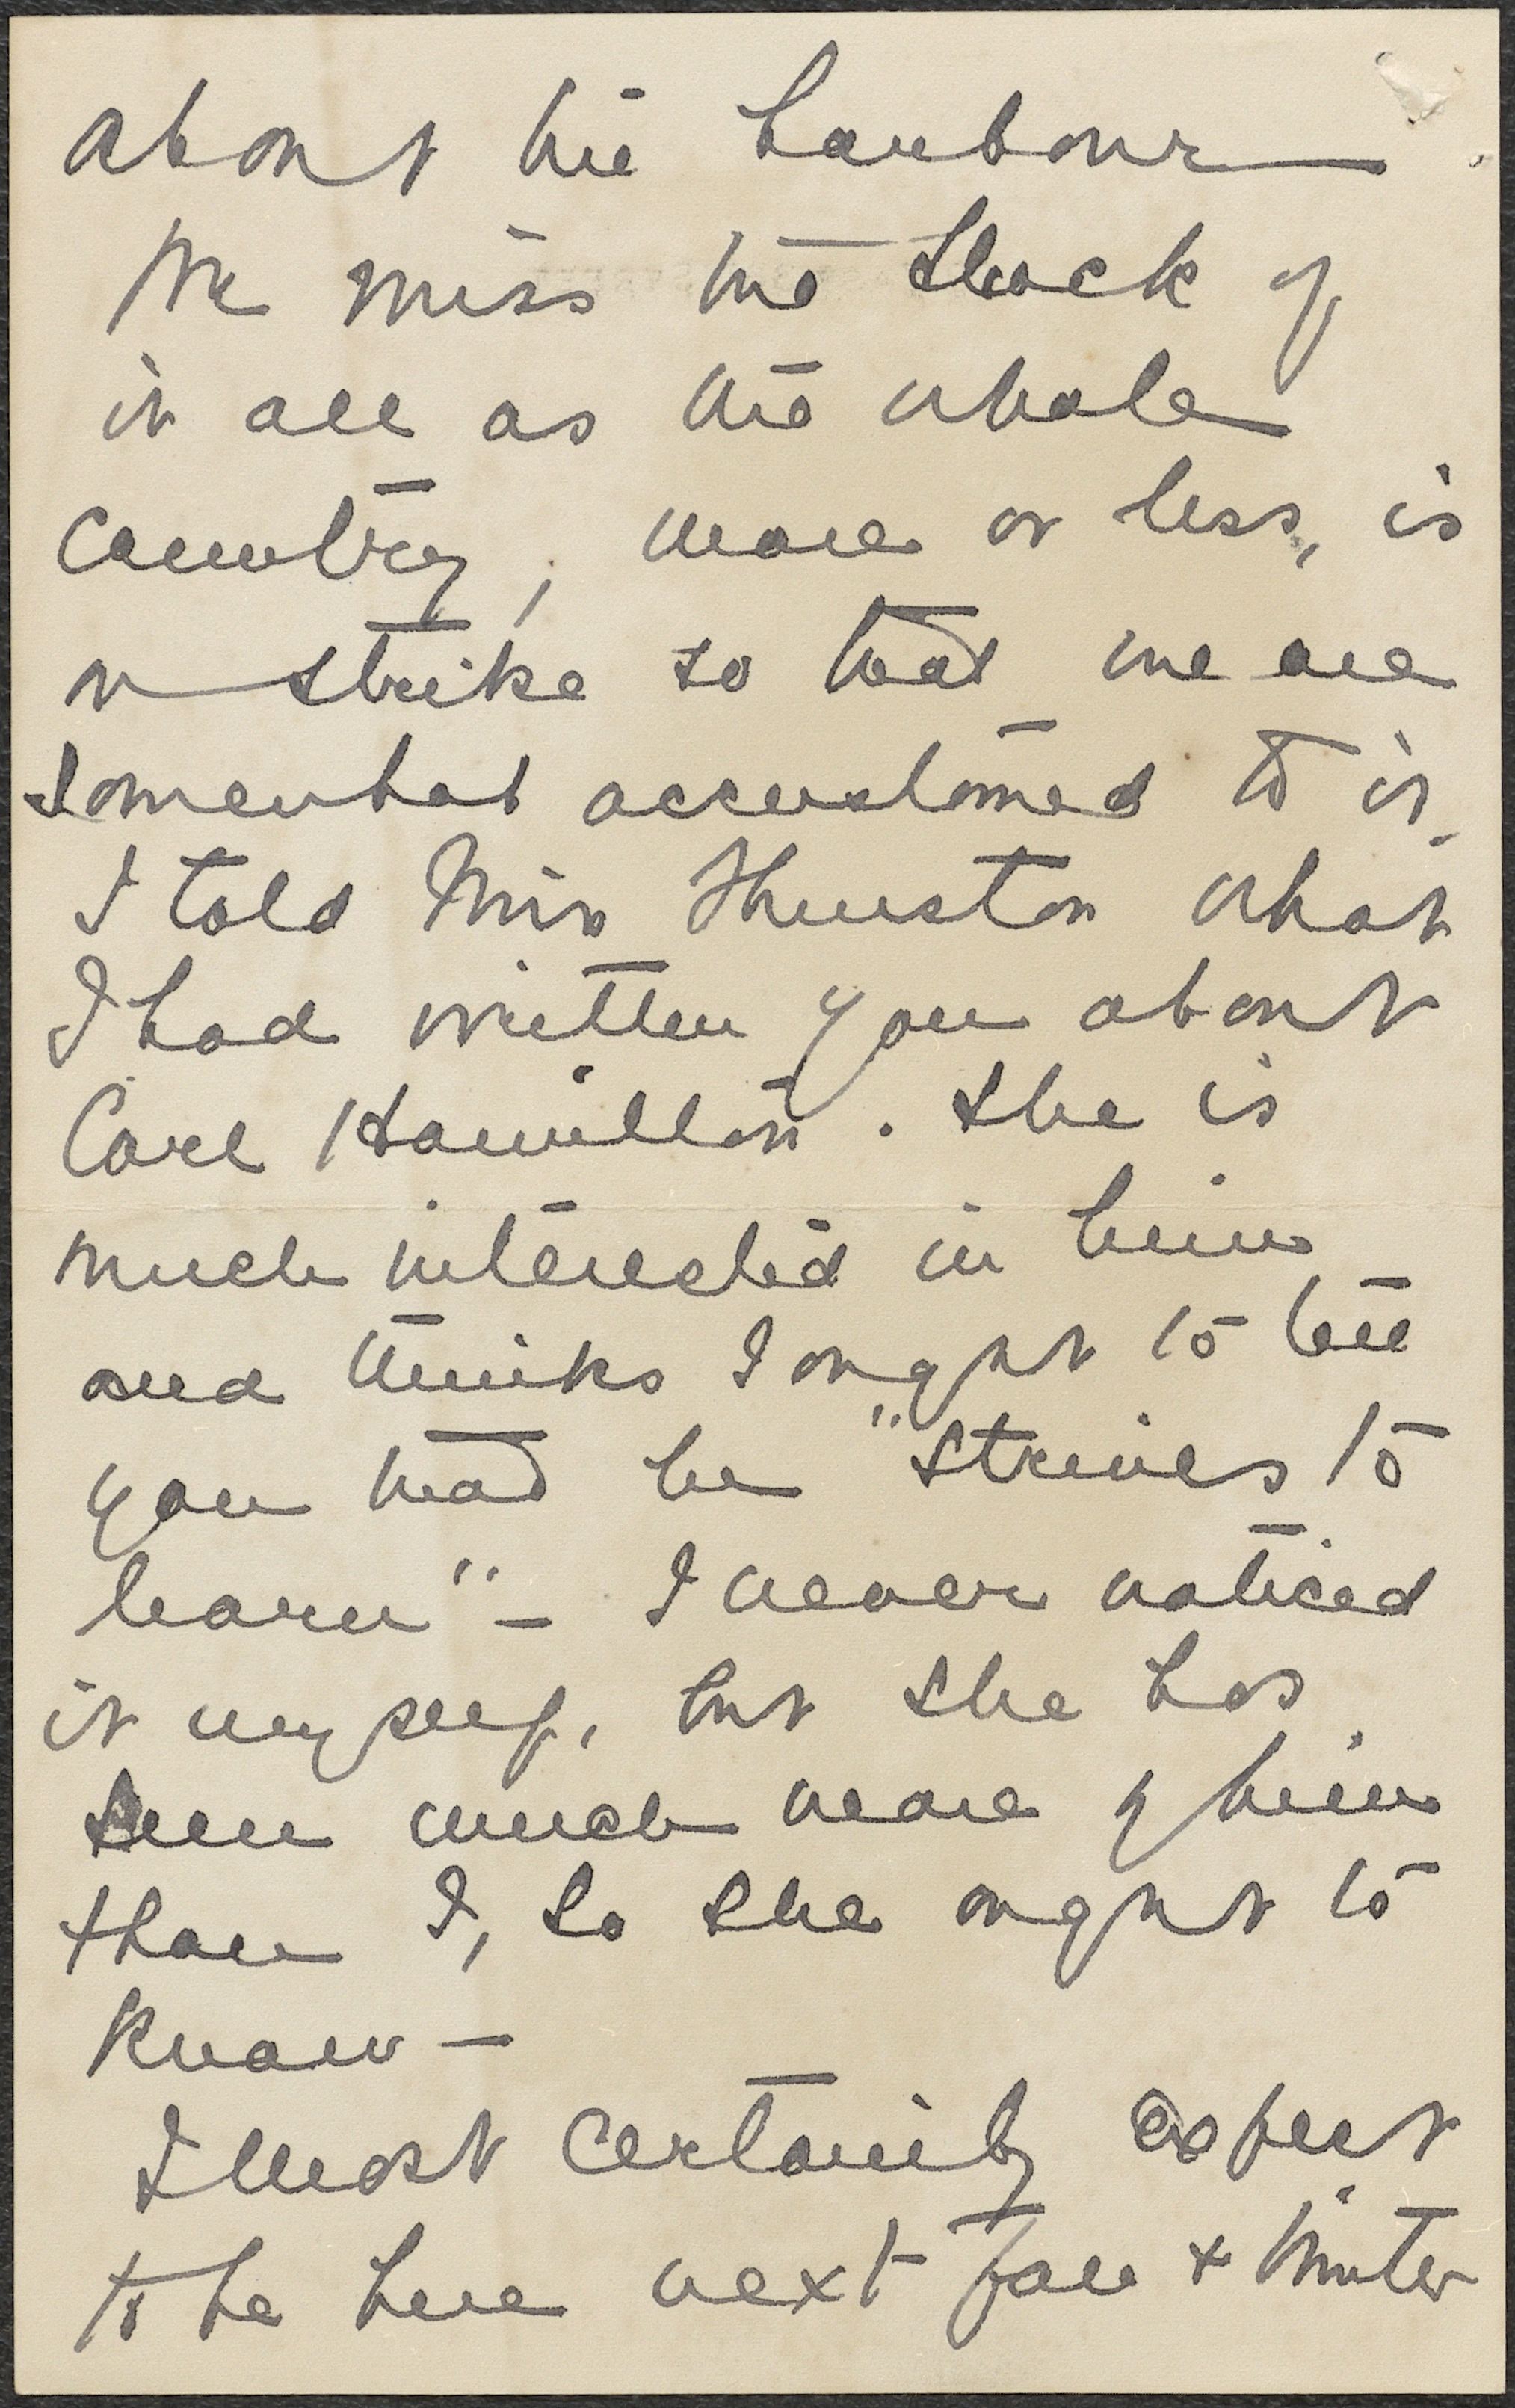about the harbour
We miss the shock of it all as the whole country, more or less, is on strike so that we are somewhat accustomed to it. I told Miss Thurston what I had written you about Carl Hamilton. She is much interested in him and thinks I ought to tell you that he "strives to learn" – I never noticed it myself, but she has seen much more of him than I, so she ought to know –
I most certainly expect to be here next fall & winter